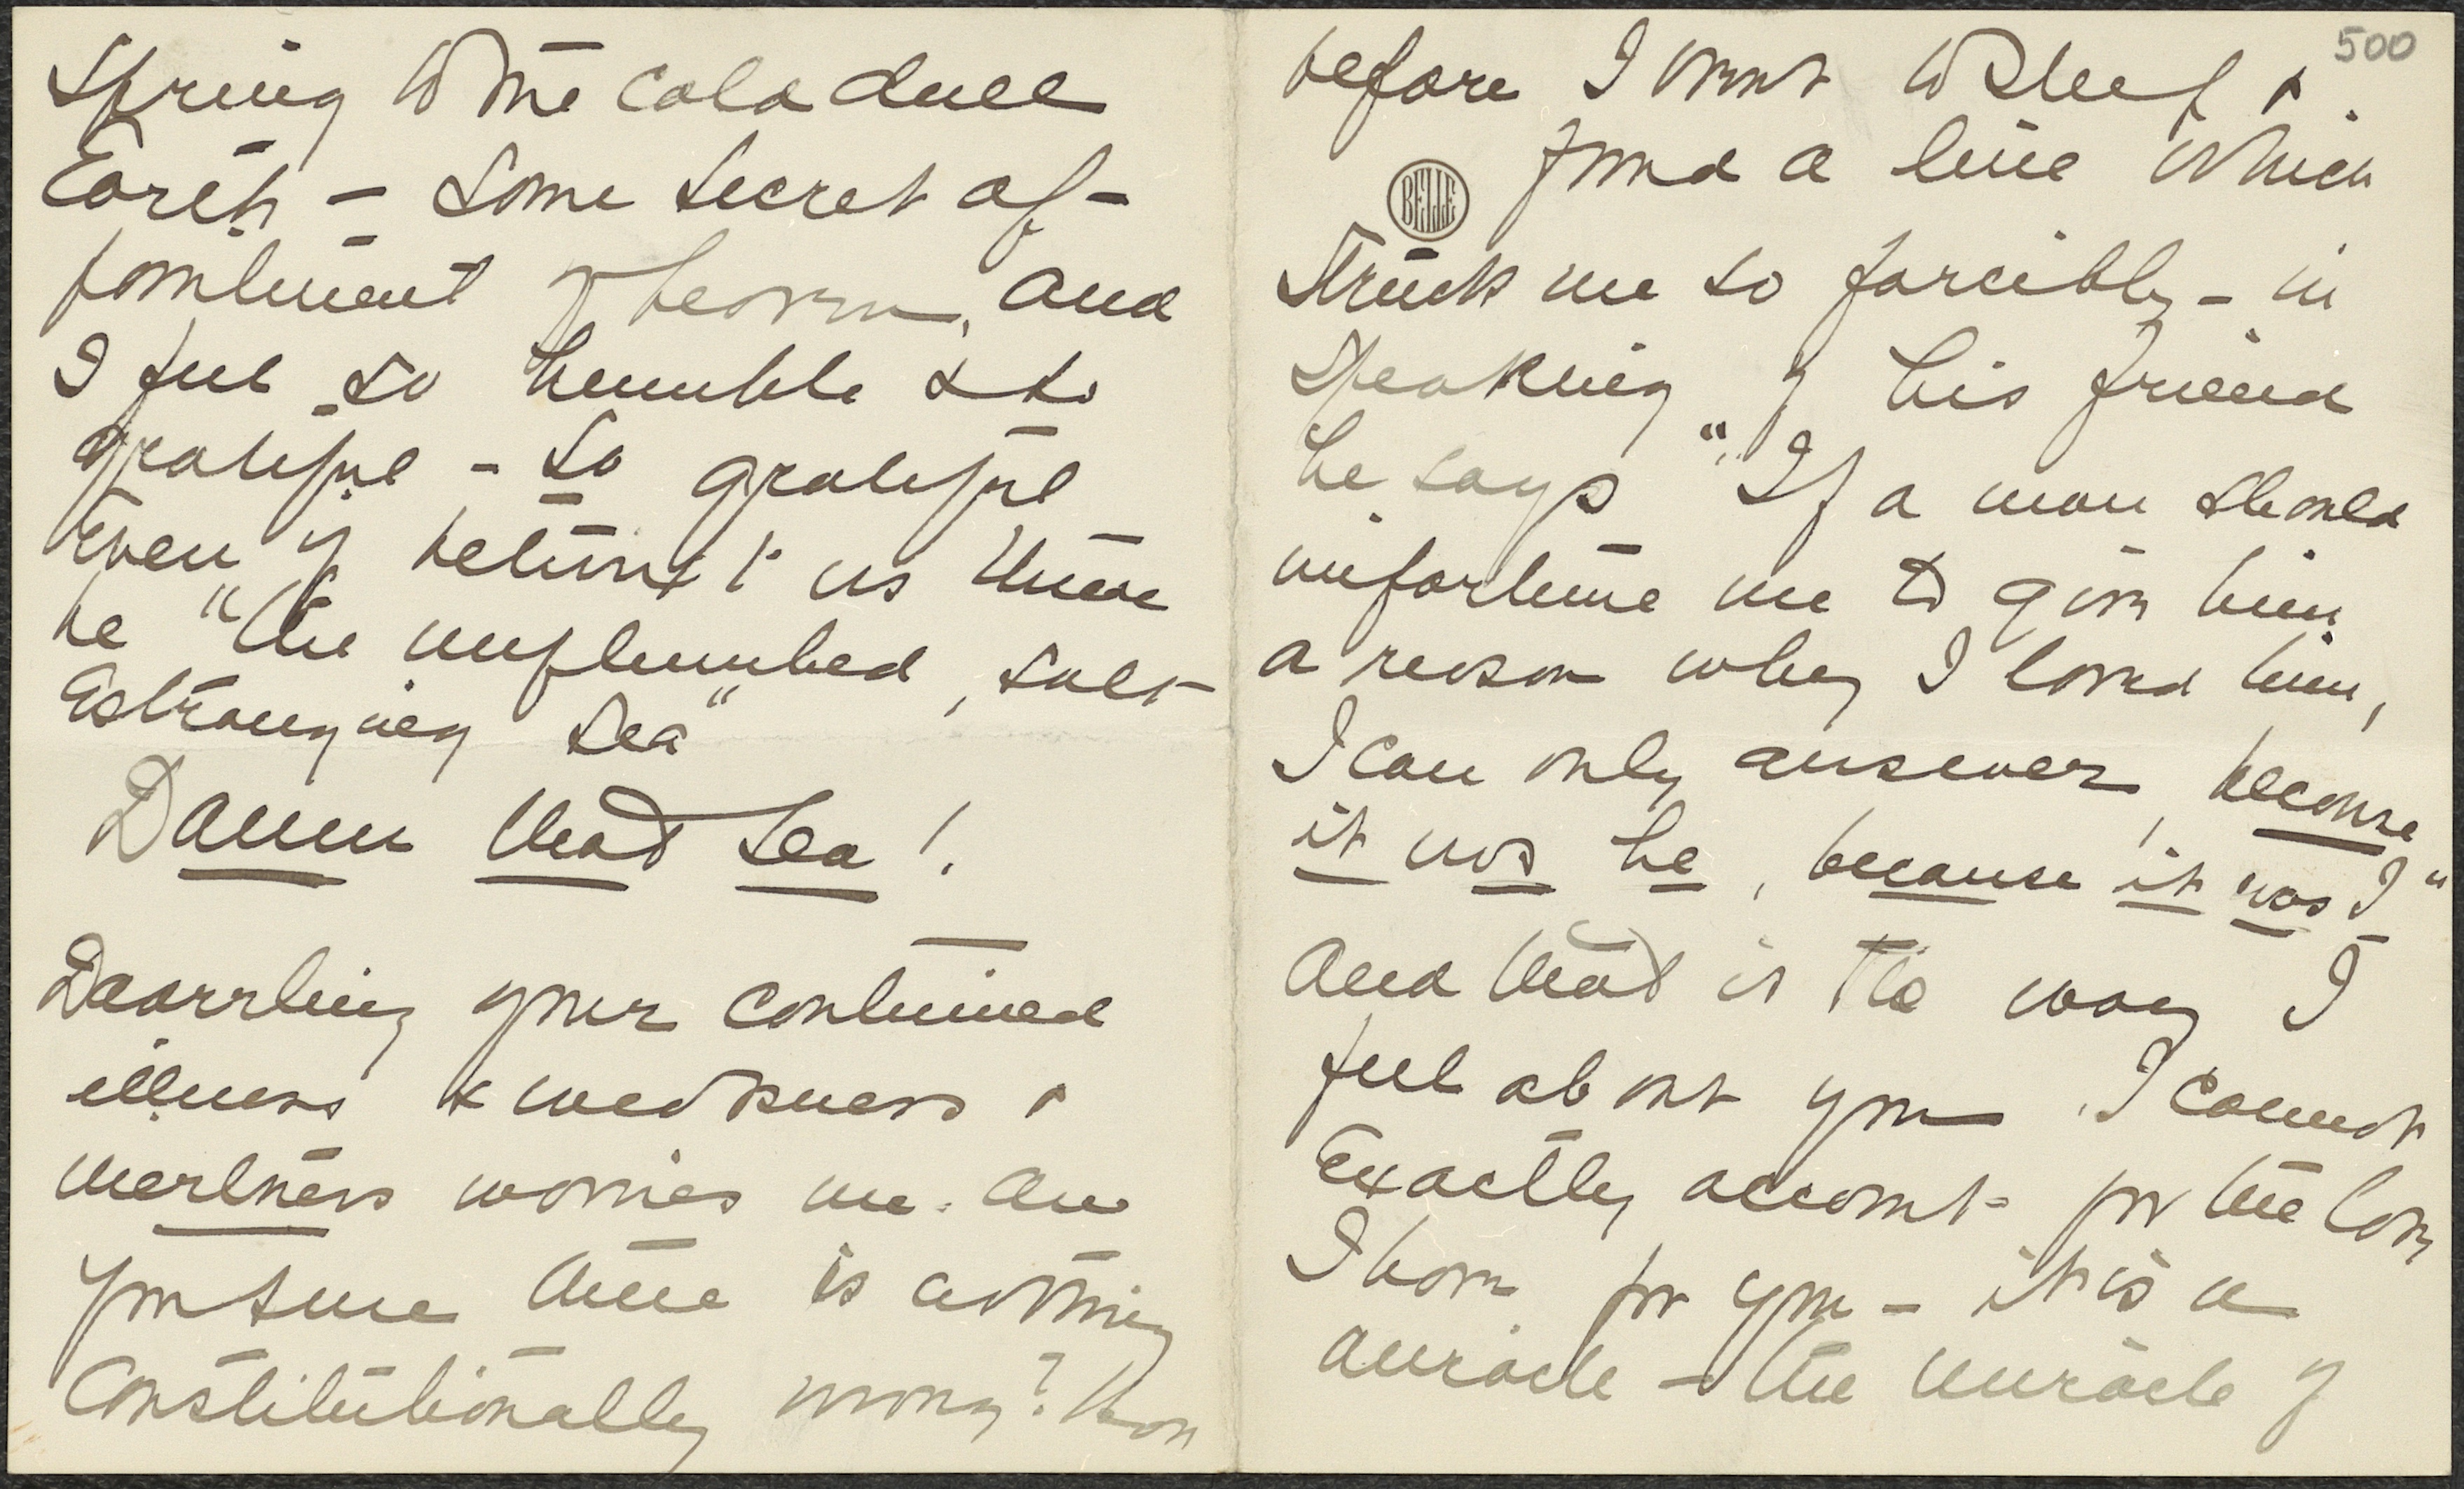before I went to sleep & found a line which struck me so forcibly – in speaking of his friend he says “If a man should importune me to give him a reason why I loved him, I can only answer because it was he, because it was I” and that is the way I feel about you. I cannot exactly account for the love I have for you – it is a miracle – the miracle of
spring to the cold dull Earth – some secret appointment of heaven, and I feel so humble & so grateful – so grateful even if betwixt us there be “the unplumbed, salt estranging sea”
Damn that sea!
Daarrling your continued illness & weakness & inertness worries me. Are you sure there is nothing constitutionally wrong? Have